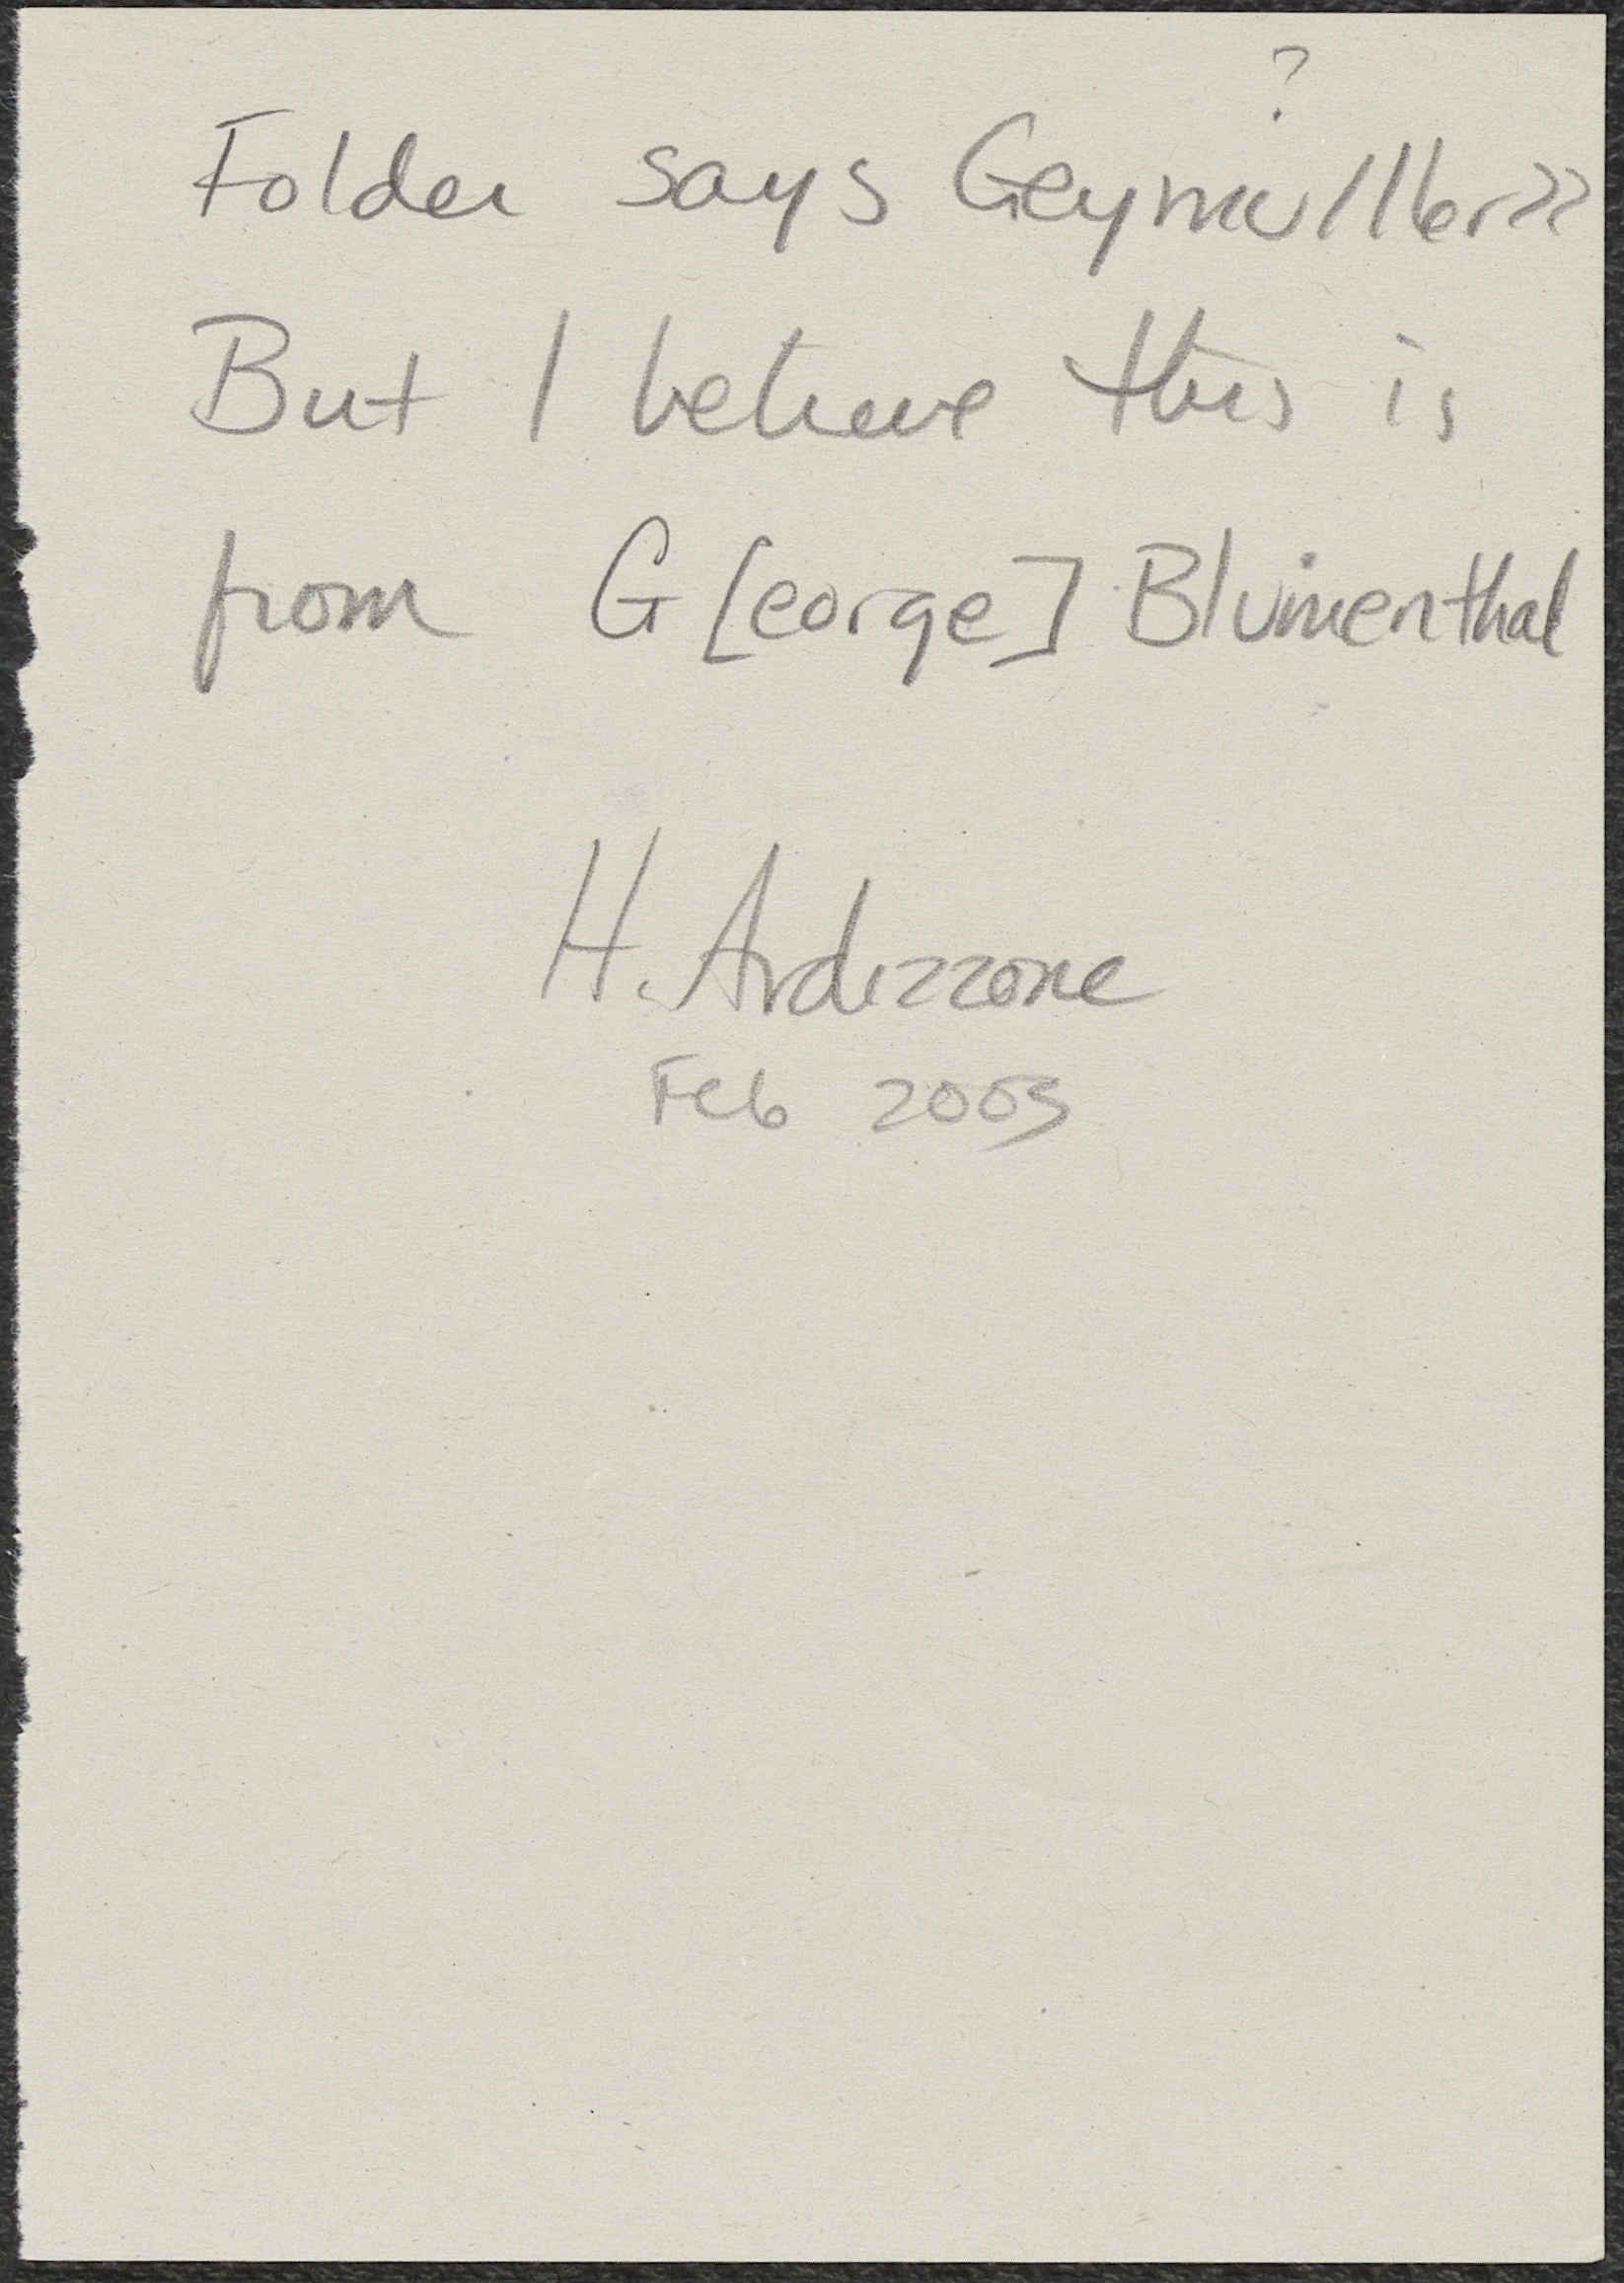Folder says Geymulller?? But I believe this is from G[eorge] Blumenthal
H. Ardizzone
Feb 2003